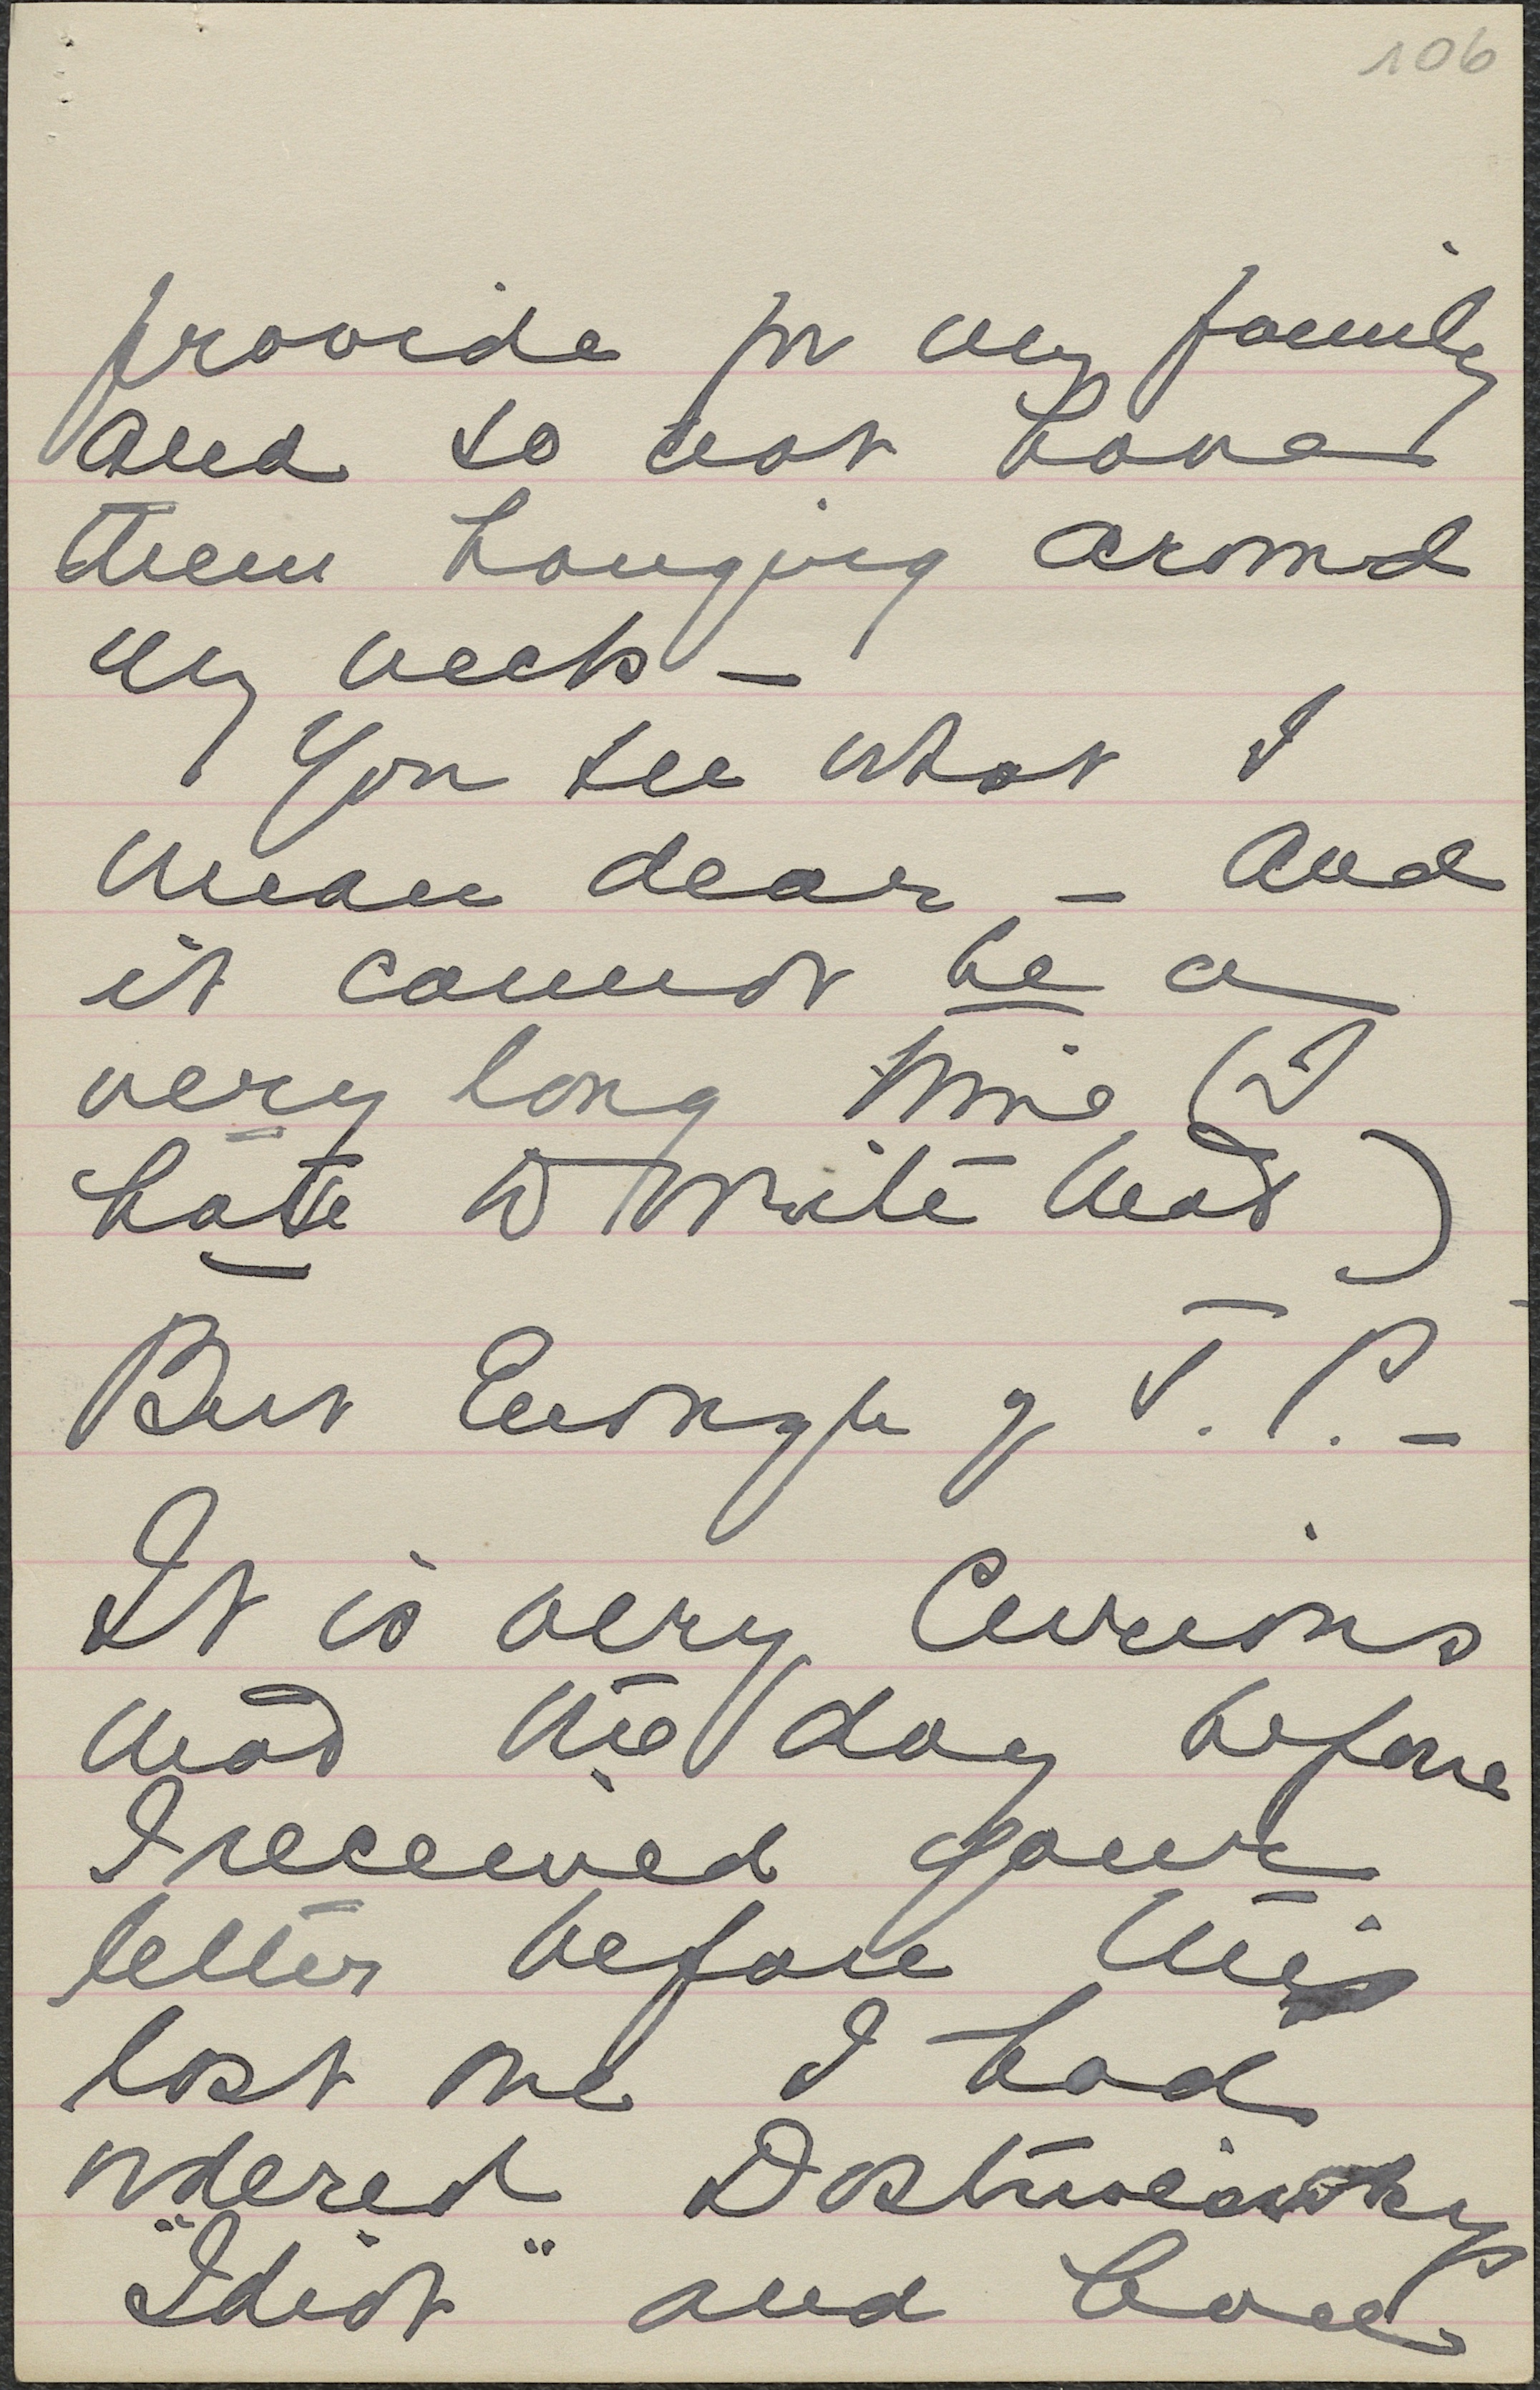provide for my family and so not have them hanging around my neck –
You see what I mean dear – and it cannot be a very long time (I hate to write that)
But enough of J. P. –
It is very curious that the day before I received your letter before this last one I had ordered Dostoievsky’s “Idiot” and have